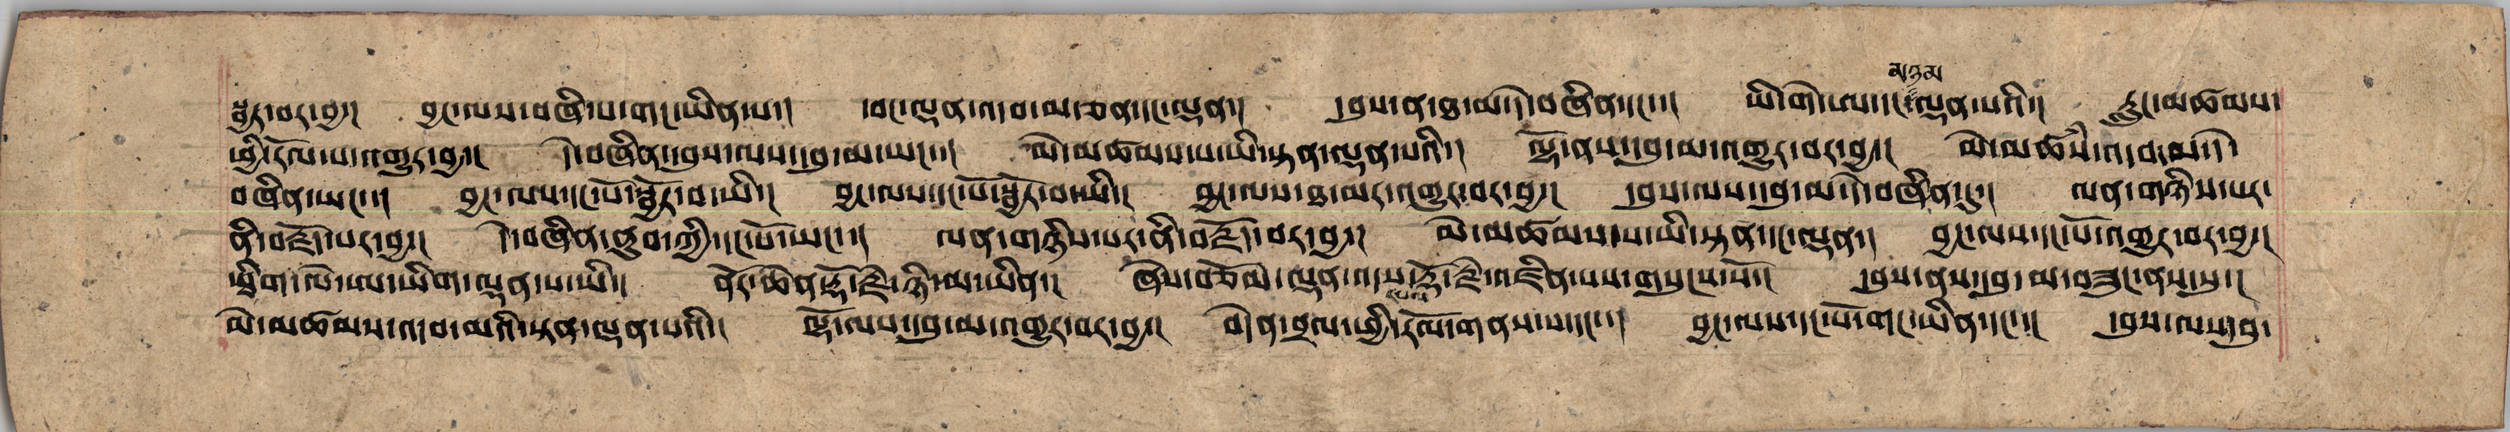སྦྱར་བར་བྱ་། བྱང་ལས་བཞི་པ་གང་ཡིན་པ་། དབང་ལྡན་འདབ་མ་ཅན་དང་ལྡན་། དབུས་ན་ཐ་མ་དེ་བཞིན་དང་་། ཡི་གེ་ཨ་དང་ལྡན་པའི་། རླུང་མཚམས་
ཕྱི་རོལ་པ་འགྱུར་བྱ་། དེ་བཞིན་དབུས་ལས་དབུ་མ་ཡང་་། མེ་མཚམས་པ་ཡི་སྟན་ལྡན་པའི་། ལྷོ་ནས་དབུ་མ་འགྱུར་བར་བྱ་། མེ་མཚཾས་འདབ་མ་དེ་
བཞིན་ཡང་་། བྱང་ལས་དང་པོ་སྦྱོར་བ་ཡི་། བྱང་ལས་དང་པོ་སྦྱོར་བ་ཡི་། བྱང་ལས་ཐ་མར་འགྱུར་བར་བྱ་། དབུས་ལས་དབུ་མ་དེ་བཞིན་དུ་། ལན་གཉིས་པར་
ནི་བརྗོད་པར་བྱ་། དེ་བཞིན་ནུབ་ཀྱི་དང་པོ་ཡང་་། ལན་གཉིས་པར་ནི་བརྗོད་པར་བྱ་། མེ་མཚམས་པ་ཡི་སྟན་དང་ལྡན་། བྱང་ལས་དང་པོ་འགྱུར་བར་བྱ་།
་ཐིག་ལེ་ཨ་ཡིག་ལྡན་པ་ཡི་། ནོར་ཆེན་རྡོ་རྗེ་ཉི་མ་ཡིན་། ཞེས་བཅོམ་ལྡན་འདས་དཔལ་རྡོ་རྗེ་འཛིན་པས་གསུངས་སོ་། དབུས་ནས་དབུ་མ་བཟུང་ནས་སུ་།
མེ་མཚམས་འདབ་མའི་སྟན་ལྡན་པའི་། ལྷོ་ལས་དབུ་མ་འགྱུར་བར་བྱ་། བདེན་བྲལ་ཕྱི་རོལ་གནས་པ་དང་་། བྱང་ལས་དང་པོ་གང་ཡིན་དང་་། དབུས་ལས་དབུ་